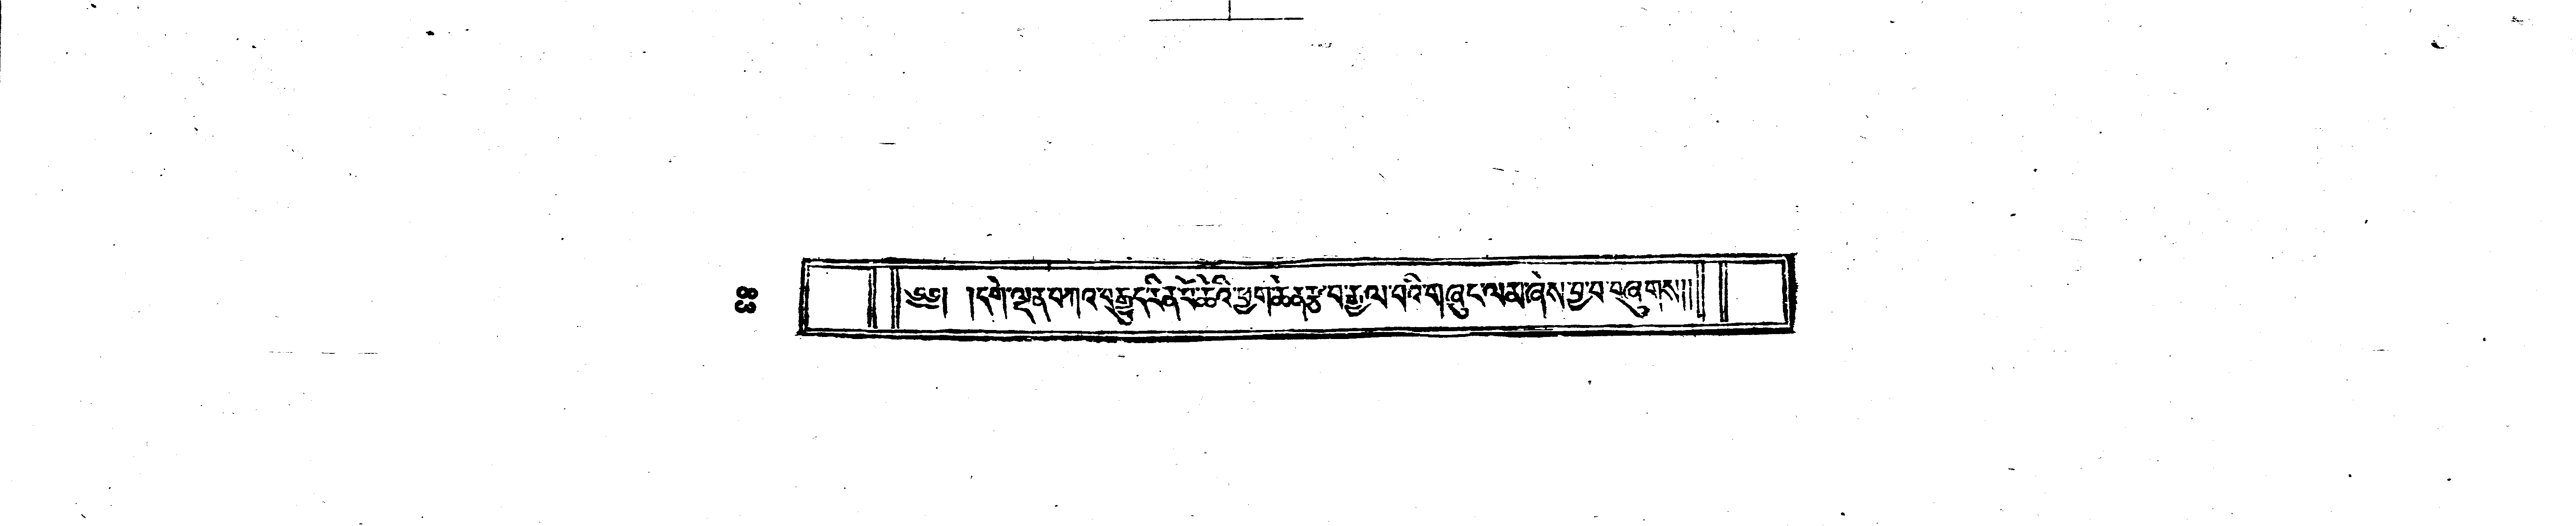༄༅། །དགེ་ལྡན་བཀའ་བརྒྱུད་རིན་པོ་ཆེའི་ཕྱག་ཆེན་རྩ་བ་རྒྱལ་བའི་གཞུང་ལམ་ཞེས་བྱ་བ་བཞུགས། །